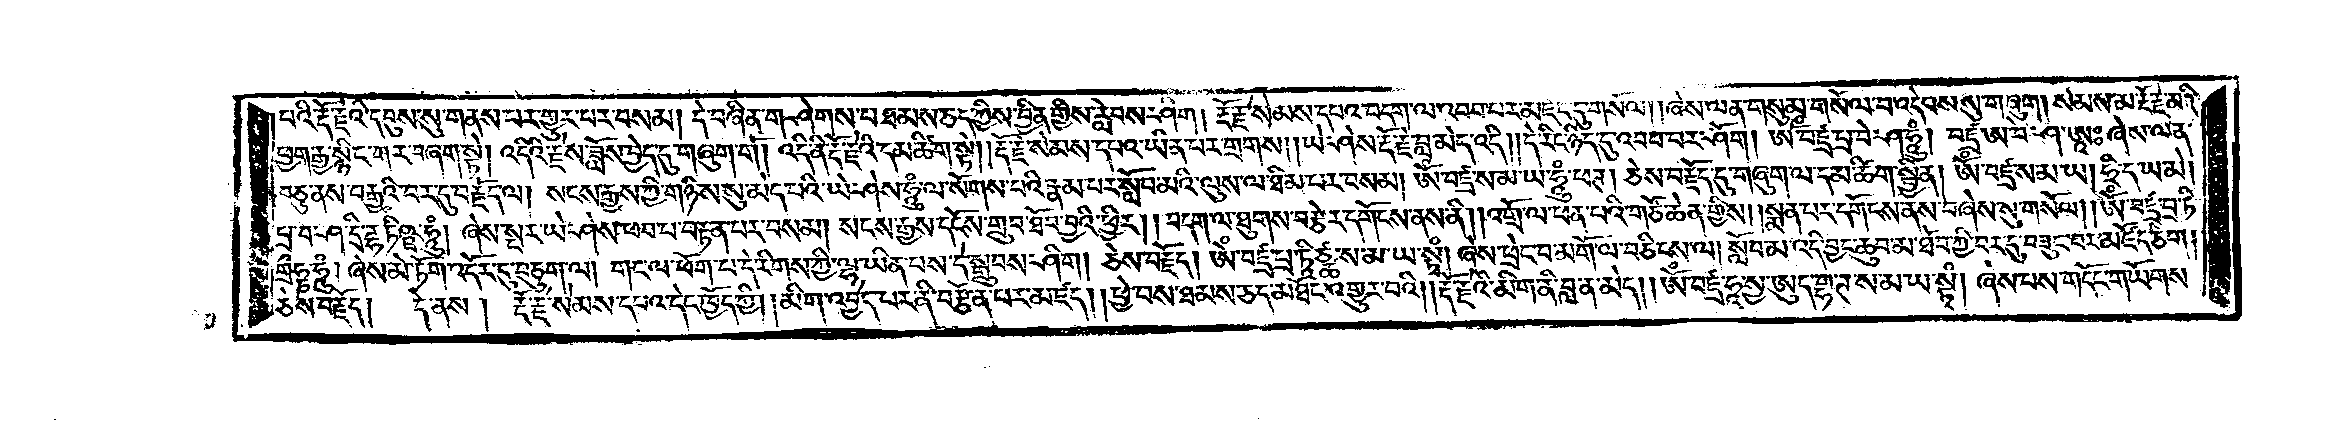པའི་རྡོ་རྗེའི་དབུས་སུ་གནས་པར་གྱུར་པར་བསམ། དེ་བཞིན་གཤེགས་པ་ཐམས་ཅད་ཀྱིས་བྱིན་གྱིས་རློབས་ཤིག །རྡོ་རྗེ་སེམས་དཔའ་བདག་ལ་འབབ་པར་མཛད་དུ་གསོལ། །ཞེས་ལན་གསུམ་གསོལ་བ་འདེབས་སུ་གཞུག །སེམས་མ་རྡོ་རྗེ་མའི་
ཕྱག་རྒྱ་སྙིང་གར་བཞག་སྟེ། འདིའི་རྗེས་བློས་བྱེད་དུ་གཞུག་གོ །འདི་ནི་རྡོ་རྗེའི་དམ་ཚིག་སྟེ། །རྡོ་རྗེ་སེམས་དཔའ་ཡིན་པར་གྲགས། །ཡེ་ཤེས་རྡོ་རྗེ་བླ་མེད་འདི། །དེ་རིང་ཉིད་དུ་འབབ་པར་ཤོག །ཨོཾ་བཛྲ་པྲ་བེ་ཤ་ཧཱུཾ། བཛྲ་ཨ་བེ་ཤ་ཨཱཿ ཞེས་ལན་
བཅུ་ནས་བརྒྱའི་བར་དུ་བརྗོད་ལ། སངས་རྒྱས་ཀྱི་གཉིས་སུ་མེད་པའི་ཡེ་ཤེས་ཧཱུཾ་ལ་སོགས་པའི་རྣམ་པར་སློབ་མའི་ལུས་ལ་ཐིམ་པར་བསམ། ཨོཾ་བཛྲ་ས་མ་ཡ་ཧཱུཾ་ཕཊ། ཅེས་བརྗོད་དུ་གཞུག་ལ་དམ་ཚིག་སྦྱིན། ཨོཾ་བཛྲ་ས་མ་ཡ། ཧྲི་ད་ཡ་མེ།
པྲ་བེ་ཤ་དྲི་ཌྷ་ཏིཥཊཿཨ་ཧཱུཾ། ཞེས་སྔར་ཡེ་ཤེས་ཕབ་པ་བརྟན་པར་བསམ། སངས་རྒྱས་དངོས་གྲུབ་ཐོབ་བྱའི་ཕྱིར། །བདག་ལ་ཐུགས་བརྩེར་དགོངས་ནས་ནི། །འགྲོ་ལ་ཕན་པའི་གཙོ་ཆེན་གྱིས། །སྨན་པར་དགོངས་ནས་བཞེས་སུ་གསོལ། །ཨོཾ་བཛྲ་པྲ་ཏི་
གྲྀཧྞ་ཧཱུཾ། ཞེས་མེ་ཏོག་འདོར་དུ་བཅུག་ལ། གང་ལ་ཕོག་པ་དེ་རིགས་ཀྱི་ལྷ་ཡིན་པས་དེ་སྒྲུབས་ཤིག །ཅེས་བརྗོད། ཨོཾ་བཛྲ་པྲ་ཏཱིཙྪ་ས་མ་ཡ་སྟྭཾ། ཞེས་ཕྲེང་བ་མགོ་ལ་བཅིངས་ལ། སློབ་མ་འདི་བྱང་ཆུབ་མ་ཐོབ་ཀྱི་བར་དུ་བཟུང་བར་མཛོད་ཅིག །
ཅེས་བརྗོད། དེ་ནས། རྡོ་རྗེ་སེམས་དཔའ་དེང་ཁྱོད་ཀྱི། །མིག་འབྱེད་པར་ནི་བརྩོན་པར་མཛད། །ཕྱེ་བས་ཐམས་ཅད་མཐོང་འགྱུར་བའི། །རྡོ་རྗེའི་མིག་ནི་བླ་ན་མེད། །ཨོཾ་བཛྲ་ཧཱ་སྱ་ཨུད་གྷ་ཊ་ས་མ་ཡ་སྟྭཾ། ཞེས་པས་གདོང་གཡོགས་